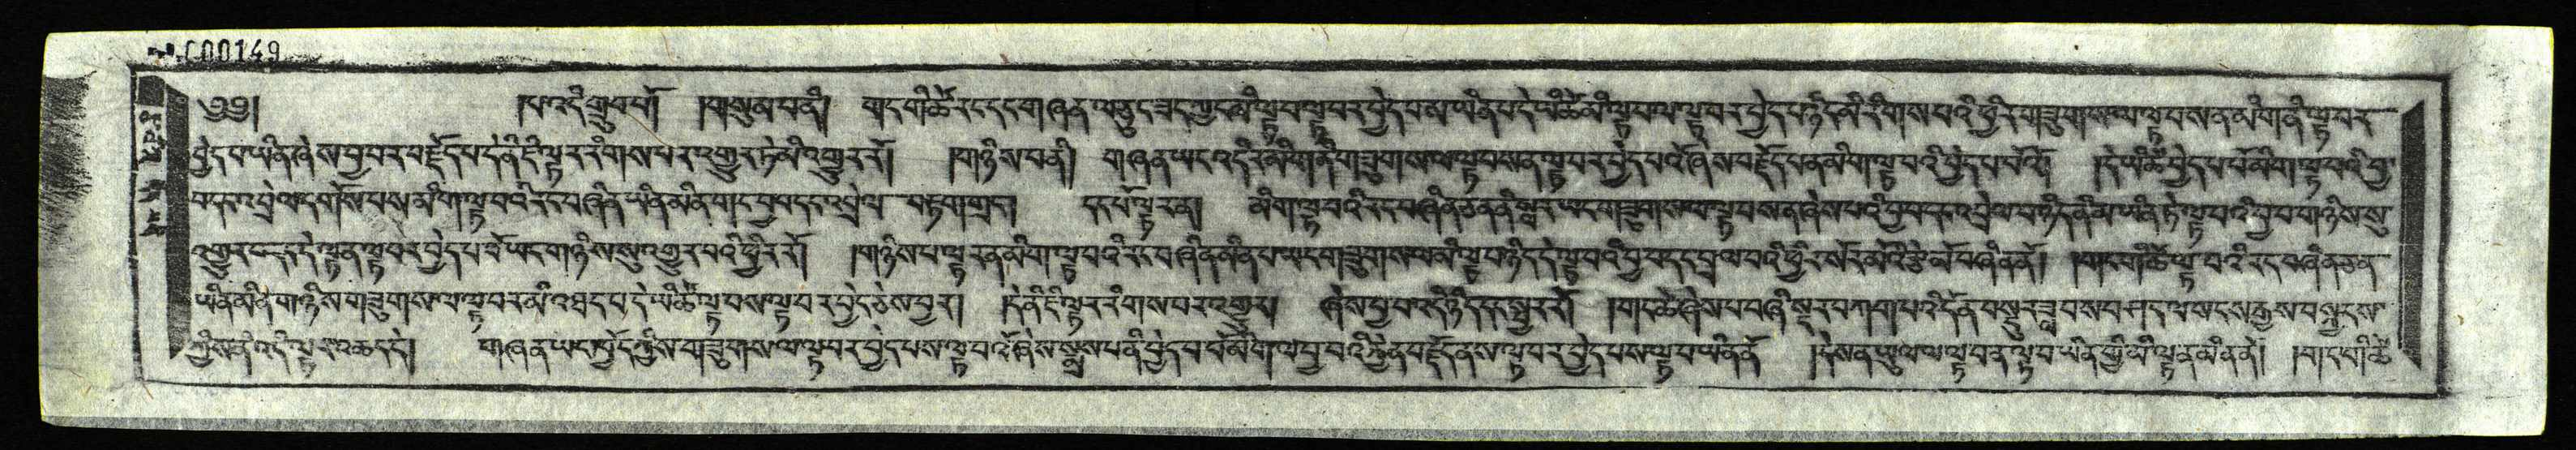༄༅། །པ་འདི་གྲུབ་པོ། །གསུམ་པ་ནི། གང་གི་ཚེ་རང་དང་གཞན་ལ་ཅུང་ཟད་ཀྱང་མི་ལྟ་བ་ལྟ་བར་བྱེད་པ་མ་ཡིན་པ་དེ་ཡི་ཚེ་མི་ལྟ་བ་ལ་ལྟ་བར་བྱེད་པ་ཉིད་མི་རིགས་པའི་ཕྱིར་གཟུགས་ལ་ལྟ་བས་ན་མིག་ནི་ལྟ་བར་
བྱེད་པ་ཡིན་ཞེས་བྱ་བར་བརྗོད་པ་དེ་ནི་ཇི་ལྟར་རིགས་པར་འགྱུར་ཏེ་མི་འགྱུར་རོ། །གཉིས་པ་ནི། གཞན་ཡང་འདིར་མིག་ནི་གཟུགས་ལ་ལྟ་བས་ན་ལྟ་བར་བྱེད་པའོ་ཞེས་བརྗོད་པ་ན་མིག་ལྟ་བའི་བྱེད་པ་པོའོ། །དེ་ཡི་ཚེ་བྱེད་པ་པོ་མིག་ལྟ་བའི་བྱ་
བ་དང་འབྲེལ་དགོས་པས་མིག་ལྟ་བའི་རང་བཞིན་ཡིན་མིན་གང་བྱ་བ་དང་འབྲེལ་བརྟག་གྲང་། དང་པོ་ལྟར་ན། མིག་ལྟ་བའི་རང་བཞིན་ཅན་ནི་སླར་ཡང་གཟུགས་ལ་ལྟ་བས་ན་ཞེས་པའི་བྱ་བ་དང་འབྲེལ་བ་ཉིད་ནི་མ་ཡིན་ཏེ་ལྟ་བའི་བྱ་བ་གཉིས་སུ་
འགྱུར་བ་དང་དེ་ལྟ་ན་ལྟ་བར་བྱེད་པའོ་ཡང་གཉིས་སུ་འགྱུར་བའི་ཕྱིར་རོ། །གཉིས་པ་ལྟར་ན་མིག་ལྟ་བའི་རང་བཞིན་མིན་པ་ཡང་གཟུགས་ལ་མི་ལྟ་བ་ཉིད་དེ་ལྟ་བའི་བྱ་བ་དང་བྲལ་བའི་ཕྱིར་སོར་མོའི་རྩེ་མོ་བཞིན་ནོ། །གང་གི་ཚེ་ལྟ་བའི་རང་བཞིན་ཅན་
ཡིན་མིན་གཉིས་གཟུགས་ལ་ལྟ་བར་མི་འཐད་པ་དེ་ཡི་ཚེ་ལྟ་བས་ལྟ་བར་བྱེད་ཅེས་བྱར། །དེ་ནི་ཇི་ལྟར་རིགས་པར་འགྱུར། ཞེས་བྱ་བ་འདི་ཉིད་དང་སྦྱར་རོ། །གང་ཚེ་ཞེས་པ་བཞི་སྔར་བཀག་པའི་དོན་བསྡུར་ཟླ་བས་བཤད་ལ་སངས་རྒྱས་བསྐྱངས་
ཀྱིས་ནི་འདི་ལྟར་འཆད་དེ། གཞན་ཡང་ཁྱོད་ཀྱིས་གཟུགས་ལ་ལྟ་བར་བྱེད་པས་ལྟ་བའོ་ཞེས་སྨྲས་པ་ནི་བྱེད་པ་པོ་མིག་ལ་བྱ་བའི་རྐྱེན་བརྗོད་ནས་ལྟ་བར་བྱེད་པས་ལྟ་བ་ཡིན་ནོ་།དེས་ན་ཡུལ་ལ་ལྟ་བ་ན་ལྟ་བ་ཡིན་གྱི་མི་ལྟ་ན་མིན་ནོ། །གང་གི་ཚེ་